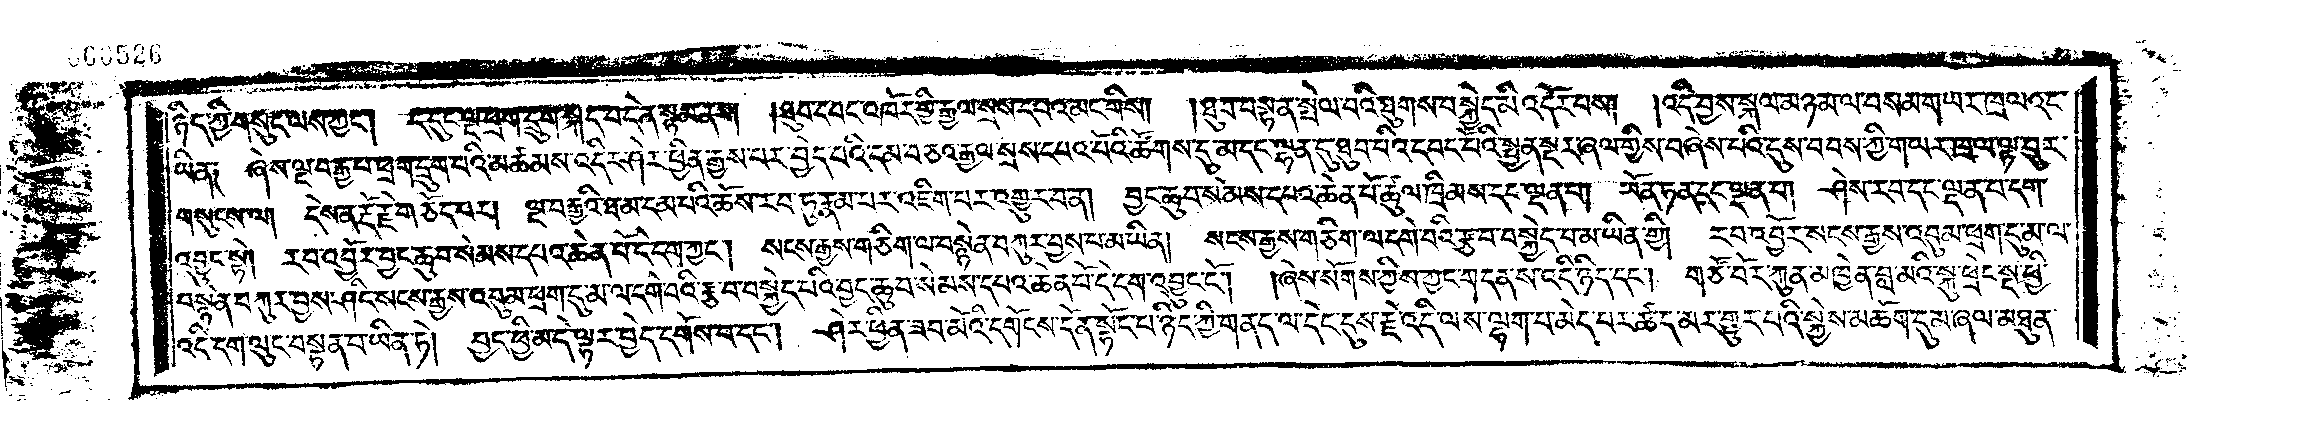ཉིད་ཀྱི་གསུང་ལས་ཀྱང་། ད་དུང་ལྔ་ཕྲག་དྲུག་སྐད་བདེན་སྙམ་ནས། །ཐུབ་དབང་འཁོར་གྱི་རྒྱལ་སྲས་དཔའ་མང་གིས། །ཐུབ་བསྟན་སྤེལ་བའི་ཐུགས་བསྐྱེད་མི་འདོར་བས། །འདི་བྱས་སྐལ་མཉམ་ལ་བསམ་གཡར་ཁྲ་ལའང་
ཡིན༑ ཞེས་ལྔ་བརྒྱ་པ་ཕྲག་དྲུག་པའི་མཚམས་འདིར་ཤེར་ཕྱིན་རྒྱས་པར་བྱེད་པའི་དམ་བཅའ་རྒྱལ་སྲས་དཔའ་པོའི་ཚོགས་དུ་མ་དང་ལྷན་དུ་ཐུབ་པའི་དབང་པོའི་སྤྱན་སྔར་ཞལ་གྱིས་བཞེས་པའི་དུས་བབས་ཀྱི་གཡར་ཁྲལ་ལྟ་བུར་
གསུངས་ལ། དེས་ན་རྡོ་རྗེ་གཅོད་པར། ལྔ་བརྒྱའི་ཐ་མ་དམ་པའི་ཆོས་རབ་ཏུ་རྣམ་པར་འཇིག་པར་འགྱུར་བ་ན། བྱང་ཆུབ་སེམས་དཔའ་ཆེན་པོ་ཚུལ་ཁྲིམས་དང་ལྡན་པ། ཡོན་ཏན་དང་ལྡན་པ། ཤེས་རབ་དང་ལྡན་པ་དག་
འབྱུང་སྟེ། རབ་འབྱོར་བྱང་ཆུབ་སེམས་དཔའ་ཆེན་པོ་དེ་དག་ཀྱང་། སངས་རྒྱས་གཅིག་ལ་བསྙེན་བཀུར་བྱས་པ་མ་ཡིན། སངས་རྒྱས་གཅིག་ལ་དགེ་བའི་རྩ་བ་བསྐྱེད་པ་མ་ཡིན་གྱི། རབ་འབྱོར་སངས་རྒྱས་འབུམ་ཕྲག་དུ་མ་ལ་
བསྙེན་བཀུར་བྱས་ཤིང་སངས་རྒྱས་འབུམ་ཕྲག་དུ་མ་ལ་དགེ་བའི་རྩ་བ་བསྐྱེད་པའི་བྱང་ཆུབ་སེམས་དཔའ་ཆེན་པོ་དེ་དག་འབྱུང་ངོ། །ཞེས་སོགས་ཀྱིས་ཀྱང་གདན་ས་འདི་ཉིད་དང་། གཙོ་བོར་ཀུན་མཁྱེན་བླ་མའི་སྐུ་ཕྲེང་སྔ་ཕྱི་
འདི་དག་ལུང་བསྟན་པ་ཡིན་ཏེ། བྱང་ཕྱི་མ་དེ་ལྟར་བྱེད་དགོས་པ་དང་། ཤེར་ཕྱིན་ཟབ་མོའི་དགོངས་དོན་སྟོང་པ་ཉིད་ཀྱི་གནད་ལ་དེང་དུས་རྗེ་འདི་ལས་ལྷག་པ་མེད་པར་ཚད་མར་གྱུར་པའི་སྐྱེས་མཆོག་དུ་མ་ཞལ་མཐུན་